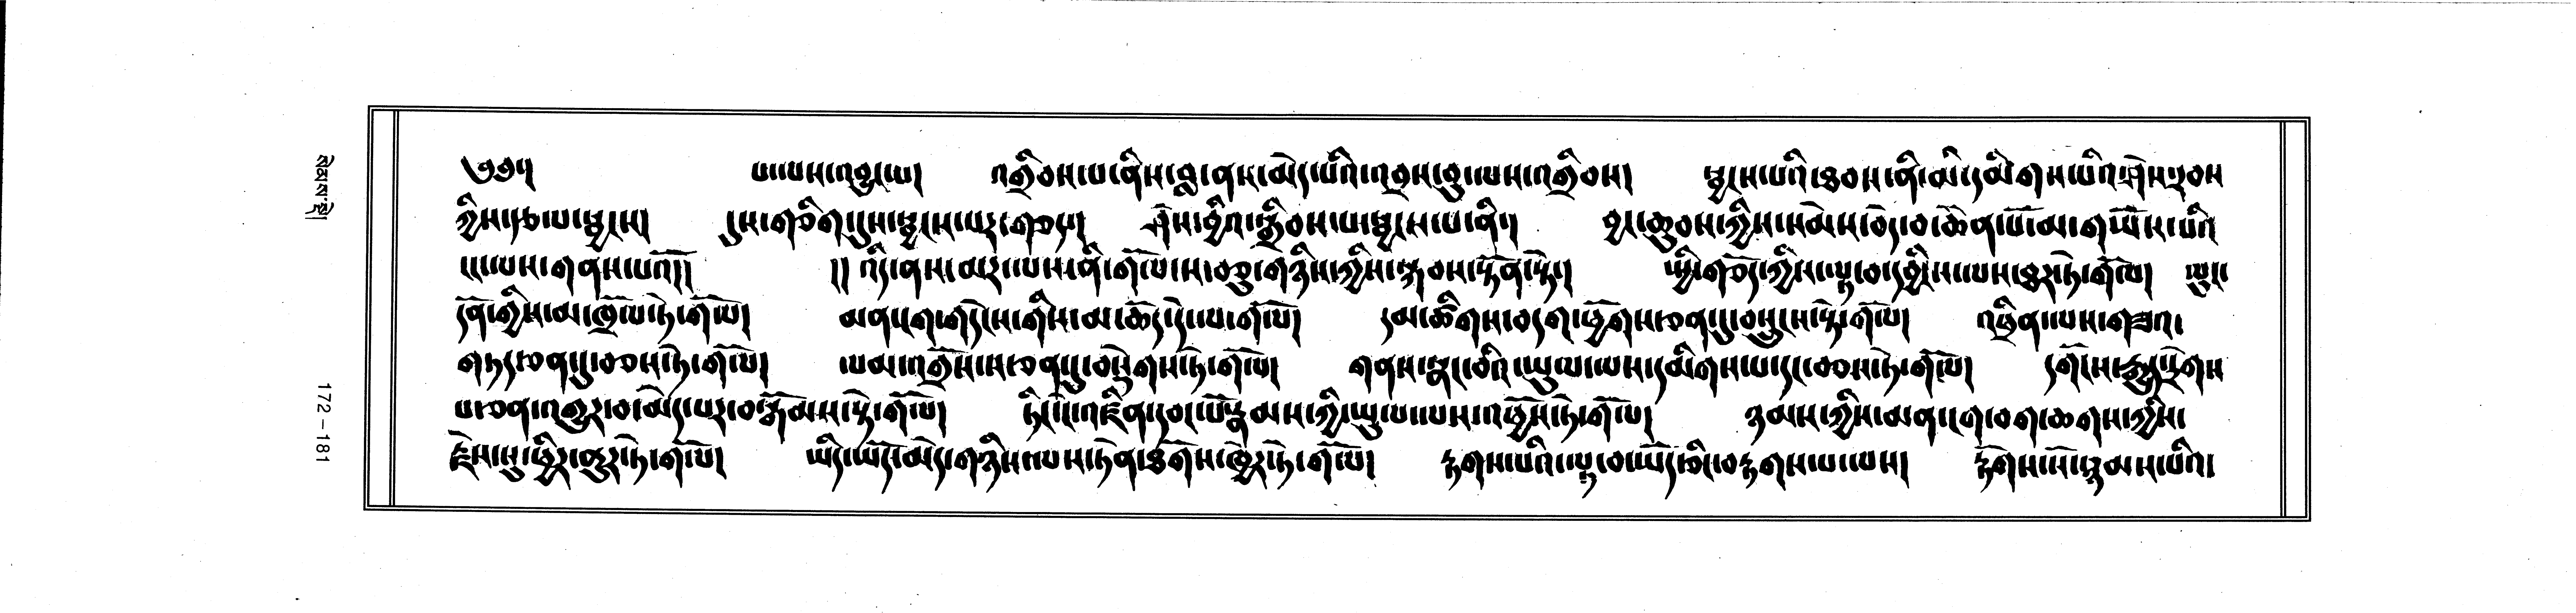པ་ལས་འབྱུང་པ། འགྲིབས་པ་ནི་བླ་ནས་མེད་པའི་འབྲས་བུ་ལས་འགྲིབས། སྦྱངས་པའི་ཐབས་ནི་མི་དམིགས་པའི་ཤེས་རབ་
ཀྱིས་རྩལ་སྦྱངས། དུས་གཅིག་དུས་སྦྱངས་པར་གཅད། ཤེས་བྱའི་སྒྲིབ་པ་སྦྱངས་པ་ནི། བྱང་ཆུབ་ཀྱིས་སེམས་བདེ་བ་ཆེན་པོ་མ་གཡོས་པའི་
ངང་ལས་གནས་པའོ། འདི་ནས་མར་ལས་ནི་གོལ་ས་བཅུ་གཉིས་ཀྱིས་སྐབས་སྟོན་སྟེ། སྤྱི་གཅོད་ཀྱིས་ལྟ་བ་དབྱིངས་ལས་ཐར་ཏེ་གོལ། ལུང་
དོན་གྱིས་མ་ཁྲོལ་ཏེ་གོལ། མན་ངག་གདེངས་གིས་མ་ཆོད་དེ་ལ་གོལ། དམ་ཚིགས་བདག་ཕྱོགས་ཅན་དུ་བསྲུངས་སྟེ་གོལ། འཕྲིན་ལས་གཟའ་
གཏད་ཅན་དུ་བཅས་ཏེ་གོལ། ལམ་འགྲོས་ས་ཅན་དུ་བསྡེགས་ཏེ་གོལ། གནས་སྣང་བའི་ཡུལ་ལས་དམིགས་པ་དང་བཅས་ཏེ་གོལ། དགོངས་རྒྱུད་དྲེགས་
པ་ཅན་འགྱུར་བ་མེད་པར་བསྒོམས་སྟེ་གོལ། ཏིང་ངེ་འཛིན་དབང་པོ་རྣམས་ཀྱི་ཡུལ་ལས་འཕྱོས་ཏེ་གོལ། ཉམས་ཀྱིས་མན་ངག་བག་ཆགས་ཀྱིས་
རྗེས་སུ་ཕྱིར་ནུར་ཏེ་གོལ། ཡིད་ཡོད་མེད་གཉིས་ལས་ཏེན་ཐོགས་ཁྱེར་ཏེ་གོལ། རྟག་པའི་ལྟ་བ་ཡོད་ཅིང་བརྟགས་པ་ལས། རྟོགས་སོ་སྙམས་པའི་